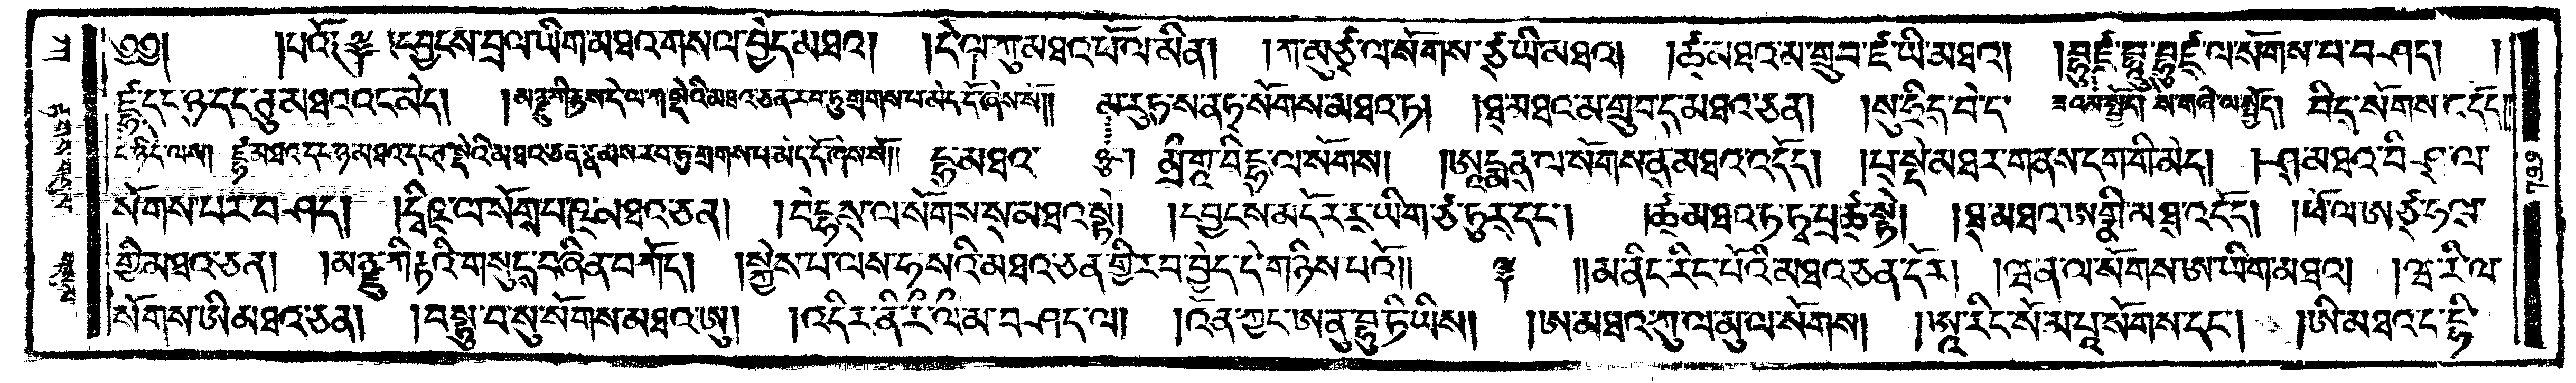༄༅། །པའོ། །དབྱངས་བྲལ་ཡིག་མཐའ་གསལ་བྱེད་མཐའ། །དེ་ལ་ཀུ་མཐའ་ཕོ་ལ་མིན། །ཀུ་སུ་ཙུ་ལ་སོགས་ཙ་ཡི་མཐའ། །ཚ་མཐའ་མ་གྲུབ་ཛ་ཡི་མཐའ། །བྷུ་ཛ་བྷུ་བྷུ་ཛ་ལ་སོགས་བ་བཤད། །
ཛྙ་དང་ཉ་དང་ཊུ་མཐའང་མེད། །མནྫུ་ཀི་རྟགས་དེ་ལ་སྡེའི་མཐའ་ཅན་རབ་ཏུ་གྲགས་པ་མེད་དོ་ཞེས་སོ།། མ་རུ་ཏ་ས་ན་ཏྲ་སོགས་མཐའ་ཏ། །ཐ་མཐའ་གྲུབ་དང་མཐའ་ཅན། །སུ་ཧྲིད་བེ་ད་ཟ་ལས་སྦྱོད། སི་གཞེ་ལ་སྦྱོད། བིད་སོགས་འདོད་
ང་ཉིད་ལས། ཛྷ་མཐའ་དང་ཉམ་མཐའ་དང་ཊ་སྡེའི་མཐའ་ཅན་རྣམས་རབ་ཏུ་གྲགས་པ་མེད་དོ་གེས་གོ། དྷ་མཐའ། མྲྀ་གཱ་བི་དྷུ་ལ་སོགས། །ཨཱ་དམན་ལ་སོགས་ན་མཐའ་འདོད། །པ་སྡེ་མཐའ་གནས་དག་གི་མེད། །ཤ་མཐའ་བི་ཤ་ལ་
སོགས་པར་བཤད། །དྭིཥ་ལ་སོགས་པ་ཥྲ་མཐའ་ཅན། །བདྷ་སྲ་ལ་སོགས་ས་མཐའ་སྟེ། །དབྱངས་མདོར་ར་ཡིག་ཙ་ཏུ་ར་དང་། །ཚ་མཐའ་ཏ་ཏྭ་པྲ་ཚ་སྟེ། །སྔ་མཐའ་ཨ་གནི་མཐའ་འདོད། །ཕོ་ལ་ཨ་ཙ་ཧལ་
གྱི་མཐའ་ཅན། །མ་ཉྫུ་ཀི་རྟའི་གསུངས་བཞིན་བཀོད། །སྐྱེས་པ་ལས་ཧ་སའི་མཐའ་ཅན་གྱི་རབ་བྱུང་དེ་གཉིས་པའོ།། །།མ་ནིང་རིང་པོའི་མཐའ་ཅན་དོར། །ཝ་ན་ལ་སོགས་ཨ་ཡིག་མཐའ། །ཝ་རིལ་
སོགས་ཨི་མཐའ་ཅན། །བསྟུ་བསུ་སོགས་མཐའ་ཨུ། །འདིར་ནི་རྀ་ལྀ་བཤད་ལ། །འོན་ཀྱང་ཨ་ནུ་བྷུ་ཏི་ཡིས། །ཨ་མཐའ་ཀུ་ལ་མུ་ལ་སོགས། །ཨཱ་རིང་སོགས་པཱ་སོགས་དང་། །ཨི་མཐའ་ང་དྷི་